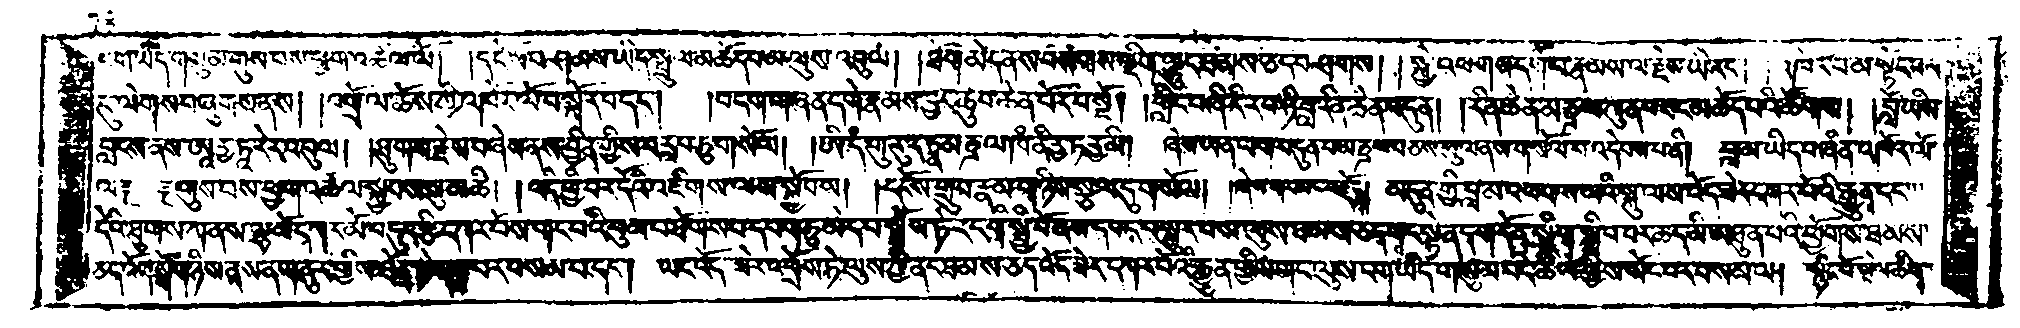ངག་ཡིད་གསུམ་གུས་པས་ཕྱག་འཚལ་ལོ། །དངོས་བཤམས་ཡིད་སྤྲུལ་མཆོད་པ་མ་ལུས་འབུལ། །ཐོག་མེད་ནས་བསགས་སྡིག་ལྟུང་ཐམས་ཅད་བཤགས། །སྐྱེ་འཕགས་དགེ་བ་རྣམས་ལ་རྗེས་ཡི་རང་། །འཁོར་བ་མ་སྟོང་བར་
དུ་ལེགས་བཞུགས་ནས། །འགྲོ་ལ་ཆོས་ཀྱི་འཁོར་ལོ་བསྐོར་བ་དང་། །བདག་གཞན་དགེ་རྣམས་བྱང་ཆུབ་ཆེན་པོར་བསྔོ། །གླིང་བཞི་རི་རབ་ཉི་ཟླ་རིན་ཆེན་བདུན། །རིན་ཆེན་མཎྜལ་ཀུན་བཟང་མཆོད་པའི་ཚོགས། །བློ་ཡིས་
བླངས་ནས་ཨཱརྱ་ཏཱ་རེར་འབུལ། །ཐུགས་རྗེས་བཞེས་ནས་བྱིན་གྱིས་བརླབ་ཏུ་གསོལ། །ཨི་དཾ་གུ་རུ་རཏྣ་མཎྜ་ལ་ཁཾ་ནི་རྱ་ཏརྱ་མི། ཞེས་ཡན་ལག་བདུན་པ་མཎྜལ་བཅས་ཕུལ་ནས་གསོལ་བ་འདེབས་པ་ནི། བླ་མ་ཡིད་བཞིན་འཁོར་ལོ་
ལ༑ ༑གུས་པས་ཕྱག་འཚལ་སྐྱབས་སུ་མཆི། །འདི་ཕྱི་བར་དོའི་འཇིགས་ལས་སྐྱོབས། །དངོས་གྲུབ་རྣམ་གཉིས་སྩལ་དུ་གསོལ། །ཞེས་གང་མང་བརྗོད། མདུན་གྱི་བླ་མ་འཕགས་མའི་སྐུ་ལས་འོད་ཟེར་དཀར་པོའི་རྒྱུན་དང་
དེའི་ཐུགས་ཀ་ནས་ལྷ་མོ་དཀར་མོ་བདུད་རྩི་དཀར་པོས་གང་བའི་བུམ་པ་ཐོགས་པ་དཔག་ཏུ་མེད་པ་སྤྲོས་ཏེ་རང་གི་སྤྱི་བོ་ནས་དབང་བསྐུར་བས་ལུས་ཐམས་ཅད་གང་སྟེ་ནད་གདོན་སྡིག་སྒྲིབ་པར་ཆད་མི་མཐུན་པའི་ཕྱོགས་ཐམས་
ཅད་འོག་སྒོ་གཉིས་ནས་ནག་ནུར་གྱིས་ཐོན་ཏེ་དག་པར་བསམ་པ་དང་། ཡང་འོད་ཟེར་འཕྲོས་ཏེ་ལུས་ཀྱི་ནང་ཐམས་ཅད་འོད་ཟེར་དཀར་པོའི་རྒྱུན་གྱིས་གང་ལུས་ངག་ཡིད་གསུམ་བདེ་ཆིལ་གྱིས་སོང་བར་བསམ་ལ། སྙིང་པོ་སྤེལ་ཚིག་